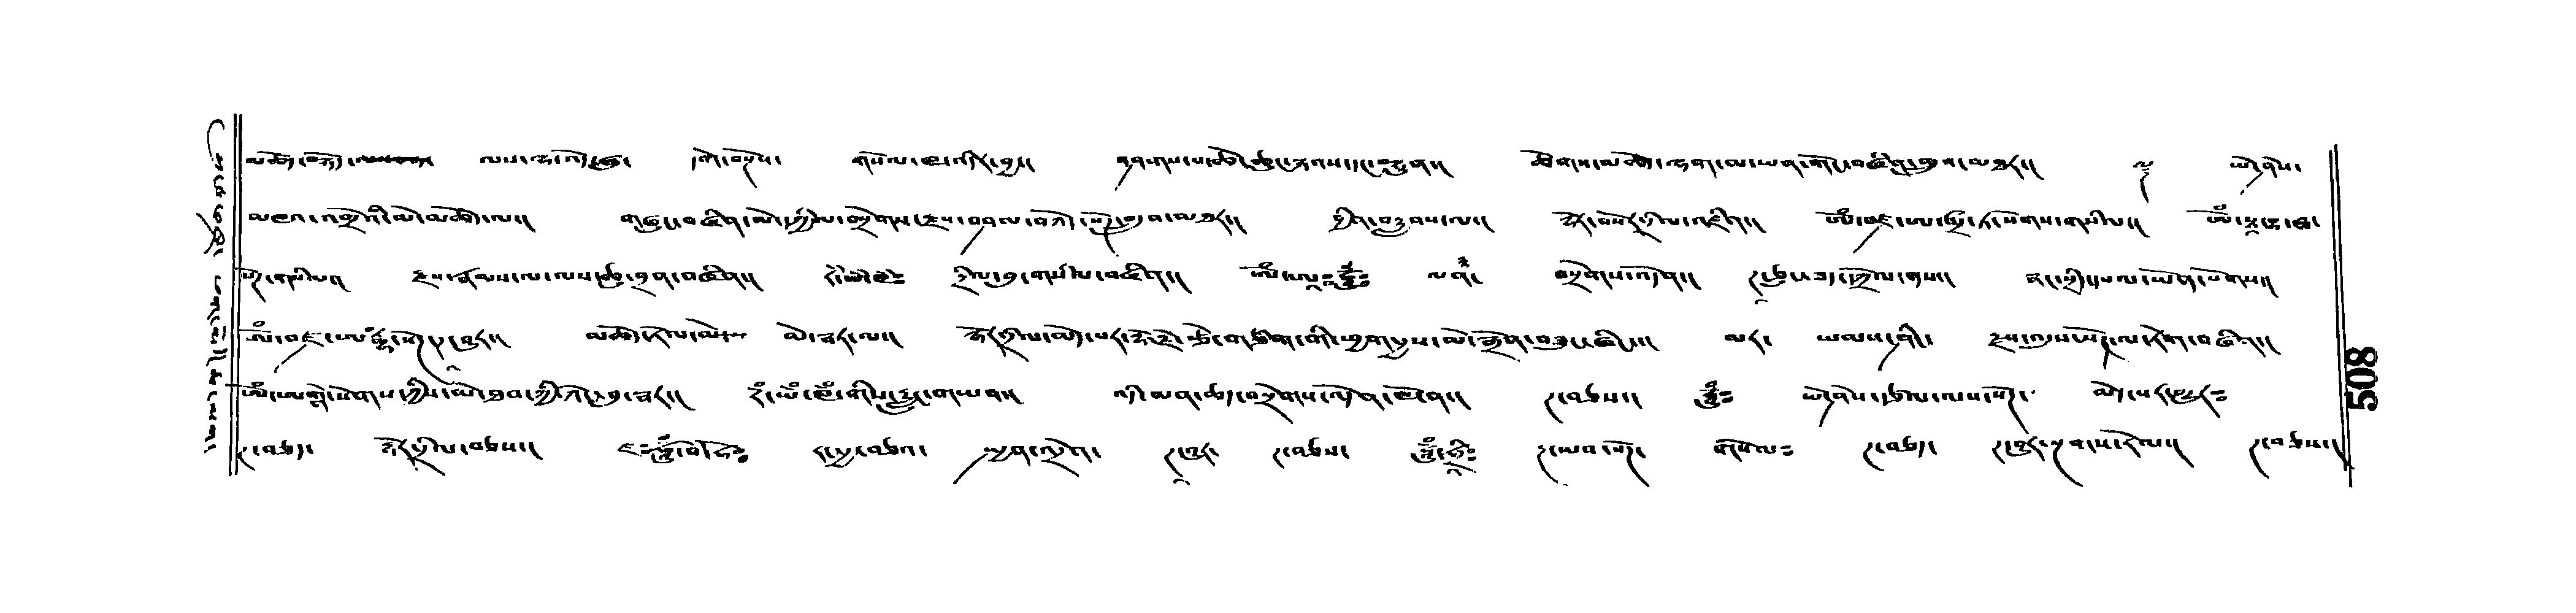མཆོད་བསྟོད། ལས་ལྷ་འོད་ཞུ། དགེ་བསྔོ། གསོལ་ཁ་འདིར་བྱ། བཤགས་པ་ཆེ་ཆུང་སྐབས་དང་བསྟུན། ཚོགས་མཆོད་ལྷག་མ་ཡན་གོང་བཞིན་གྲུབ་མཐར། ༈ ཡེ་ཤེས་
མཁའ་འགྲོའི་མེ་མཆོད་ལ། གཞུང་བཞིན་དེ་དཀྱིལ་བསྲེགས་རྫས་བཤམ་བཀོད་སོགས་གྲུབ་མཐར། བྱིན་བརླབས་ལ། རྡོར་གསོར་དྲིལ་འཛིན། ཨོཾ་བཛྲ་ཨ་མྲྀ་ཏ་སོགས་གསིལ། ཨོཾ་སྭ་བྷ་ཝ་
སོགས་གསིལ། ས རྫས་རྣམས་ལ་ལས་ཆུ་བྲན་བཞིན། རྃ་ཡྃ་ཁྃ༔ དྲིལ་བུ་གསིལ་བཞིན། ཨོཾ་ཨཱཿཧཱུྃ༔ ལན་གསུམ། བསྲེགས་འདོན། ཌཱ་ཅུང་ཟད་དཀྲོལ་ནས། སྣང་སྲིད་དཔལ་ཡོན་སོགས། 
ཨོཾ་བཛྲ་ཨརྒྷཾ་སོགས། ཌཱ་འུར། མཆོད་རོལ། མེ་སྦར་ལ། རྡོར་དྲིལ་མེད་པར་རྡོ་རྗེ་རྩེ་གཅིག་གི་ཕྱག་རྒྱས་མེ་སྒྲོན་བཟུང་ཞིང་།མར། ཡམ་ཤིང་། རྫས་འདུས་སོགས་ལ་རེག་བཞིན། 
ཨོཾ་ཨགྣེ་སོགས་ཀྱིས་མེ་ཐབ་ཀྱི་ཀོང་བུ་སྦར། རྃ་ཡྃ་ཁྃ་གྱིས་རླུང་གཡབ། འདི་མན་ཆད་བསྲེགས་འདོན་ཁོ་ན། ཌཱ་བཅས། ཧཱུྃ༔ ཡེ་ཤེས་རྩལ་ལས་སོགས། མེད་པར་གྱུར༔ 
ཌཱ་བཅད། རྡོར་དྲིལ་བཅས། ཛཿཧཱུྃ་བཾ་ཧོཿ རང་རྒྱ་བཅའ། སྤྱན་འདྲེན། ཌཱ་འུར། ཌཱ་བཅས། ས ཧཱུྃ་ཧྲཱིཿ རྔ་ཡབ་སོགས། གསོལ༔ ཌཱ་བཅད། ཌཱ་འུར་སྔགས་རོལ། ཌཱ་བཅས།